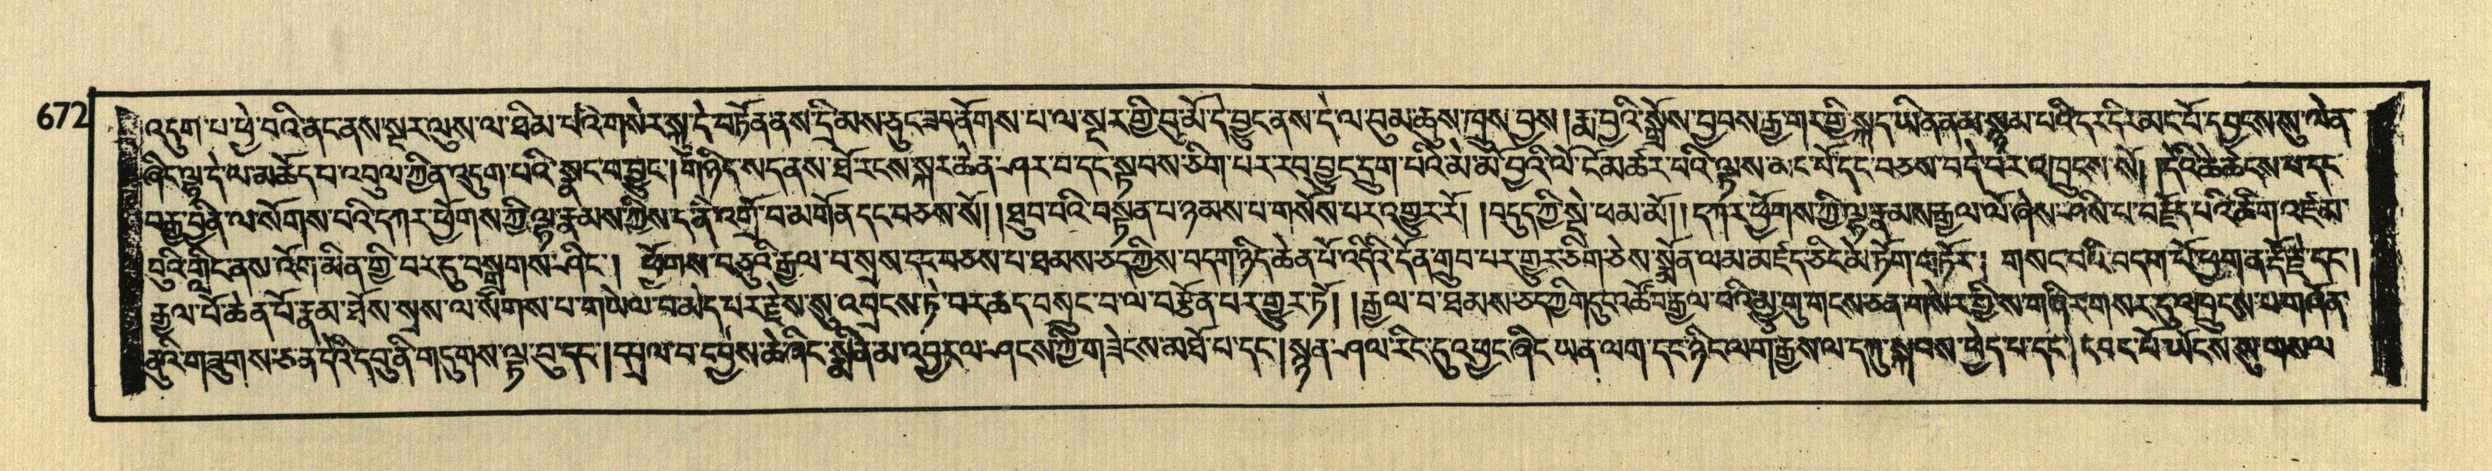འདུག་པ་ཕྱེ་བའི་ནང་ནས་སྔར་ལུས་ལ་ཐིམ་པའི་གསེར་སྐུ་དེ་བཏོན་ནས་དྲི་མས་ཅུང་ཟད་ནོགས་པ་ལ་སྔར་གྱི་བུ་མོ་དེ་བྱུང་ནས་དེ་ལ་བུམ་ཆུས་ཁྲུས་བྱས། རྨ་བྱའི་སྒྲོས་བྱབས་རྒྱ་གར་གྱི་སྐད་ཡིན་ནམ་སྙམ་པའི་དར་དིར་མང་པོ་དབྱངས་སུ་ལེན་
ཞིང་ལྷ་དེ་ལ་མཆོད་པ་འབུལ་ཀྱིན་འདུག་པའི་སྣང་བ་བྱུང་། གཉིད་སད་ནས་ཐོ་རངས་སྐར་ཆེན་ཤར་བ་དང་སྟབས་ཅིག་པར་རབ་བྱུང་དྲུག་པའི་མེ་མོ་བྱའི་ལོ་ངོ་མཚར་པའི་ལྟས་མང་པོ་དང་བཅས་བདེ་བར་འཁྲུངས་སོ། །དེའི་ཆེ་ཆེངས་པ་དང་
བརྒྱ་བྱིན་ལ་སོགས་པའི་དཀར་ཕྱོགས་ཀྱི་ལྷ་རྣམས་ཀྱིས་ད་ནི་འགྲོ་བ་མགོན་དང་བཅས་སོ། །ཐུབ་པའི་བསྟན་པ་ཉམས་པ་གསོས་པར་འགྱུར་རོ། །བདུད་ཀྱི་སྡེ་ཕམ་མོ། །དཀར་ཕྱོགས་ཀྱི་ལྷ་རྣམས་རྒྱལ་ལོ་ཞེས་ཤིས་པ་བརྗོད་པའི་ཚིག་འཛམ་
བུའི་གླིང་ནས་འོག་མིན་གྱི་བར་དུ་བསྒྲགས་ཤིང་། ཕྱོགས་བཅུའི་རྒྱལ་བ་སྲས་དང་བཅས་པ་ཐམས་ཅད་ཀྱིས་བདག་ཉིད་ཆེན་པོ་འདིའི་དོན་གྲུབ་པར་གྱུར་ཅིག་ཅེས་སྨོན་ལམ་མཛད་ཅིང་མེ་ཏོག་གཏོར། གསང་བའི་བདག་པོ་ཕྱག་ན་རྡོ་རྗེ་དང་།
རྒྱལ་པོ་ཆེན་པོ་རྣམ་ཐོས་སྲས་ལ་སོགས་པ་གཡེལ་བ་མེད་པར་རྗེས་སུ་འབྲངས་ཏེ་བར་ཆད་བསྲུང་བ་ལ་བརྩོན་པར་གྱུར་ཏོ། །རྒྱལ་བ་ཐམས་ཅད་ཀྱི་གདུང་འཚོ་བ་རྒྱལ་བའི་མྱུ་གུ་གངས་ཅན་གསེར་གྱིས་གཞིར་གསར་དུ་འཁྲུངས་པ་གཞོན་
ནུའི་གཟུགས་ཅན་དེའི་དབུ་ནི་གདུགས་ལྟ་བུ་དང་། དཔྲལ་བ་དབྱེས་ཆེ་ཞིང་སྨིན་མ་འབྱར་ལ་ཤངས་ཀྱི་གཟེངས་མཐོ་པ་དང་། སྙན་ཤལ་རིང་དུ་འཕྱང་ཞིང་ཡན་ལག་དང་ཉིང་ལག་རྒྱས་ལ་དཀུ་སྐབས་ཕྱེད་པ་དང་། དབང་པོ་ཡོངས་སུ་གསལ་